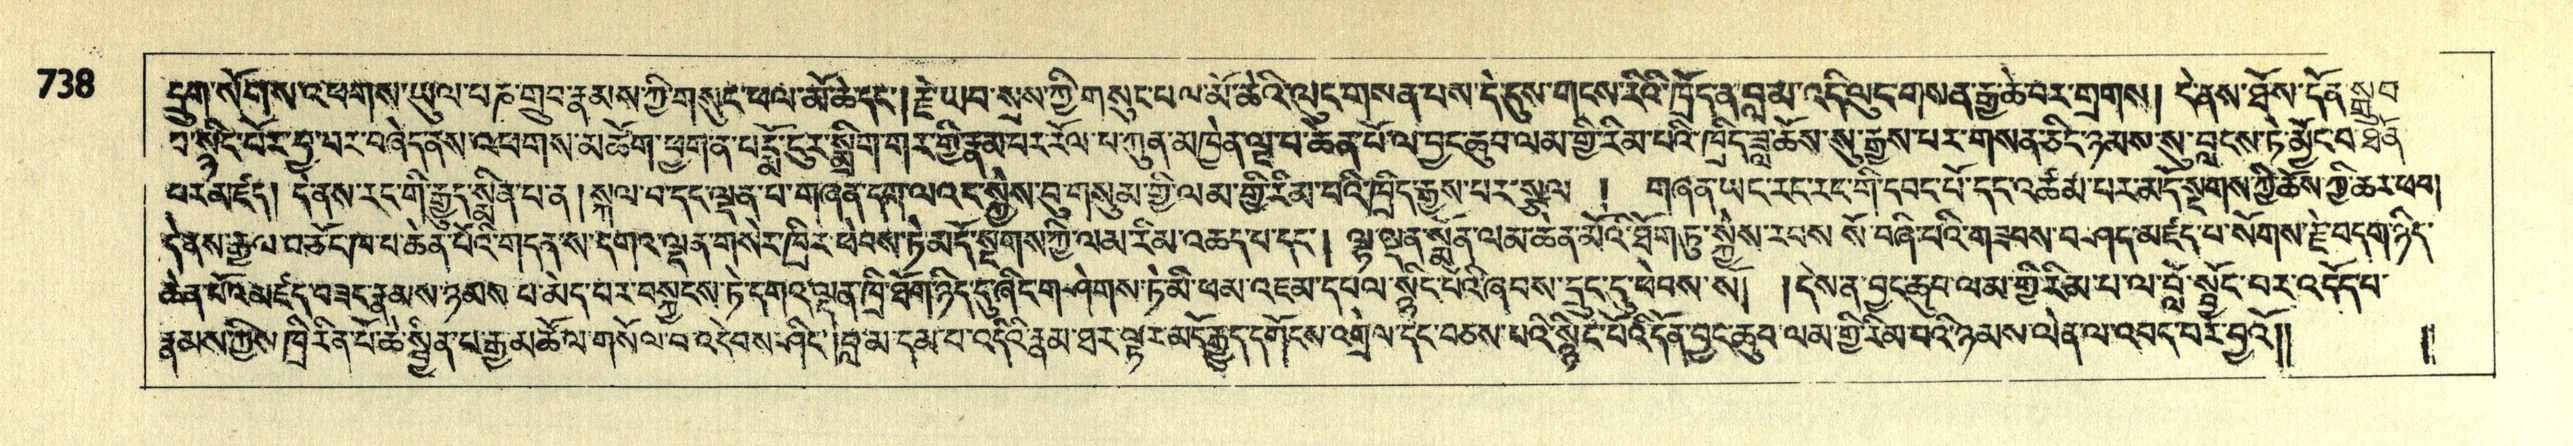དྲུག་སོགས་འཕགས་ཡུལ་པཎ་གྲུབ་རྣམས་ཀྱི་གསུང་ཕལ་མོ་ཆེ་དང་། རྗེ་ཡབ་སྲས་ཀྱི་གསུང་པ་ལ་མོ་ཆེའི་ལུང་གསན་པས་དེ་དུས་གངས་རིའི་ཁྲོད་ན་བླ་མ་འདི་ལུང་གསན་རྒྱ་ཆེ་བར་གྲགས། དེ་ནས་ཐོས་དོན་སྒྲུབ་
བ་སྙིང་པོར་བྱ་བར་བཞེད་ནས་འཕགས་མཆོག་ཕྱག་ན་པདམོ་དུར་སྨྲིག་གར་གྱི་རྣམ་པར་རོལ་པ་ཀུན་མཁྱེན་ལྔ་པ་ཆེན་པོ་ལ་བྱང་ཆུབ་ལམ་གྱི་རིམ་པའི་ཁྲིད་ཟླ་ཆོས་སུ་རྒྱས་པར་གསན་ཅིང་ཉམས་སུ་བླངས་ཏེ་མྱོང་བ་ཐོན་
བར་མཛད། དེ་ནས་རང་གི་རྒྱུད་སྨིན་པ་ན་།སྐལ་བ་དང་ལྡན་པ་གཞན་དག་ལའང་སྐྱེས་བུ་གསུམ་གྱི་ལམ་གྱི་རིམ་པའི་ཁྲིད་རྒྱས་པར་སྩལ་། གཞན་ཡང་རང་རང་གི་དབང་པོ་དང་འཚམ་པར་མདོ་སྔགས་ཀྱི་ཆོས་ཀྱི་ཆར་ཕག་
དེ་ནས་རྒྱལ་བཙོང་ཁ་པ་ཆེན་པོའི་གདན་ས་དགའ་ལྡན་གསེར་ཁྲིར་ཕེབས་ཏེ་མདོ་སྔགས་ཀྱི་ལམ་རིམ་འཆད་པ་དང་། ལྷ་ལྡན་སྨོན་ལམ་ཆེན་མོའི་ཐོག་ཏུ་སྐྱེས་རབས་སོ་བཞི་པའི་གཟབས་བཤད་མཛད་པ་སོགས་རྗེ་བདག་ཉིད་
ཆེན་པོའི་མཛད་བཟང་རྣམས་ཉམས་པ་མེད་པར་བསྐྱངས་ཏེ་དགའ་ལྡན་ཁྲི་ཐོག་ཉིད་དུ་ཞིང་གཤེགས་ཏེ་མི་ཕམ་འཇམ་དཔལ་སྙིང་པོའི་ཞབས་དྲུང་དུ་ཕེབས་སོ། །དེས་ན་བྱང་ཆུབ་ལམ་གྱི་རིམ་པ་ལ་བློ་སྦྱོང་བར་འདོད་པ་
རྣམས་ཀྱིས་ཁྲི་རིན་པོ་ཆེ་སྦྱིན་པ་རྒྱ་མཚོ་ལ་གསོལ་བ་འདེབས་ཤིང་།བླ་མ་དམ་པ་འདིའི་རྣམ་ཐར་ལྟར་མདོ་རྒྱུད་དགོངས་འགྲེལ་དང་བཅས་པའི་སྙིང་པོའི་དོན་བྱང་ཆུབ་ལམ་གྱི་རིམ་བའི་ཉམས་ལེན་ལ་འབད་བར་བྱའོ།། །།